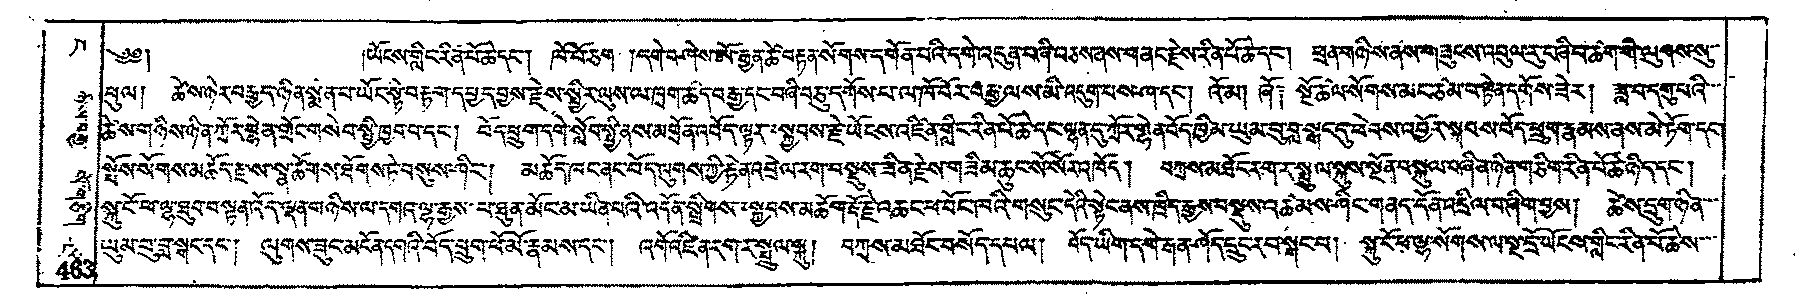༄༅། །ཡོངས་གླིང་རིན་པོ་ཆེ་དང་། ཁོ་བོ་ཅག །དགེ་བཤེས་ཨོ་རྒྱན་ཚེ་བརྟན་སོགས་དགོན་པའི་དགེ་འདུན་བཞི་བཅས་ནས་གནང་རྗེས་རིན་པོ་ཆེ་དང་། ཕྲན་གཉིས་ནས་གཟུངས་འབུལ་རུ་ང་ཞིབ་ཚག་གི་ལུགས་སུ་
ཕུལ། ཚེས་ཉེར་བརྒྱད་ཉིན་སྨན་པ་ཡོང་སྟེ་བརྟག་དཔྱད་བྱས་རྗེས་སྤྱིར་ལུས་ལ་ཁྲག་ཚད་བརྒྱ་དང་བཞི་བཅུ་དགོས་པ་ལ་ཁོ་བོར་བརྒྱ་ལས་མི་འདུག་པས་ཤ་དང་། འོ་མ། ཞོ། སྔོ་ཚལ་སོགས་མང་ཙམ་བརྟེན་དགོས་ཟེར། ཟླ་བ་དགུ་པའི་
ཚེས་གཉིས་ཉིན་ཀྲོར་གྷེན་གྲོང་གསེབ་སྤྱི་ཁྱབ་པ་དང་། བོད་ཕྲུག་དགེ་སློབ་སྤྱི་ནས་མགྲོན་འབོད་ལྟར་༧སྐྱབས་རྗེ་ཡོངས་འཛིན་གླིང་རིན་པོ་ཆེ་དང་ལྷན་དུ་ཀྲོར་གྷེན་བོད་ཁྱིམ་ཡུམ་བུ་བླ་སྒང་དུ་ཕེབས་འབྱོར་སྐབས་བོད་ཕྲུག་རྣམས་ནས་མེ་ཏོག་དང་།
སྤོས་སོགས་མཆོད་རྫས་སྣ་ཚོགས་ཐོགས་ཏེ་བསུས་ཤིང་། མཆོད་ཁང་ནང་བོད་ལུགས་ཀྱི་རྟེན་འབྲེལ་རག་བསྡུས་ཟིན་རྗེས་གཟིམ་ཆུང་སོ་སོར་འཁོད། བཀྲས་མཐོང་རག་ར་སྤྲུལ་སྐུས་སྔོན་བསྐུལ་བཞིན་ཉིན་གཅིག་རིན་པོ་ཆེ་ཉིད་དང་།
སྐུ་ངོ་ཕ་ལྷ་ཐུབ་བསྟན་འོད་ལྡན་གཉིས་ལ་དགའ་ལྷ་རྒྱས་པ་ཐུན་མོང་མ་ཡིན་པའི་འདོན་སྒྲིགས་༧སྐྱབས་མཆོག་རྡོ་རྗེ་འཆང་ཕ་བོང་ཁའི་གསུང་དེའི་སྟེང་ནས་ཁྲིད་རྒྱས་བསྡུས་འཚམས་ཤིང་གནད་དོན་འདྲིལ་བ་ཞིག་བྱས། ཚེས་དྲུག་ཉིན་
ཡུམ་བུ་བླ་སྒང་དང་། ལུགས་ཟུང་མངོན་དགའི་བོད་ཕྲུག་ཕོ་མོ་རྣམས་དང་། འགོ་འཛིན་རག་ར་སྤྲུལ་སྐུ། བཀྲས་མཐོང་བསོད་དཔལ། བོད་ཡིག་དགེ་རྒན་ཤོད་དྲུང་རབ་སྒང་པ། སྐུ་ངོ་ཕ་ལྷ་སོགས་ལ་སྔ་དྲོ་ཡོངས་གླིང་རིན་པོ་ཆེས་